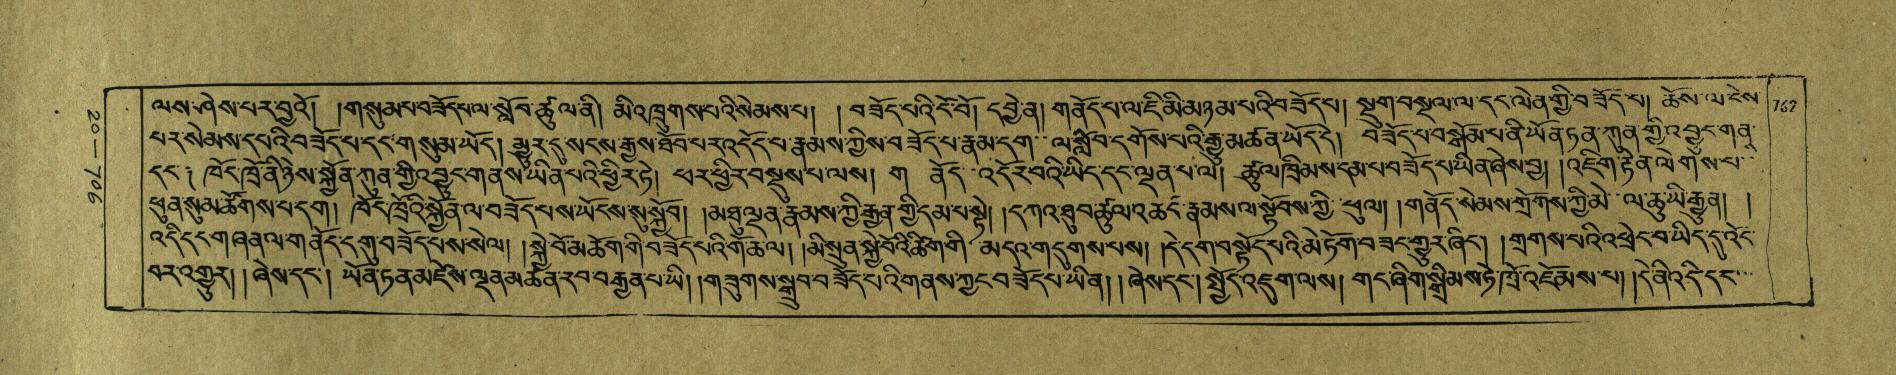ལས་ཤེས་པར་བྱའོ། །གསུམ་པ་བཟོད་པ་ལ་སློབ་ཚུལ་ནི། མི་འཁྲུགས་པའི་སེམས་པ། །བཟོད་པའི་ངོ་བོ། དབྱེ་ན། གནོད་པ་ལ་ཇི་མི་མཉམ་པའི་བཟོད་པ། སྡུག་བསྔལ་ལ་དང་ལེན་གྱི་བཟོད་པ། ཆོས་ལ་ངེས་
པར་སེམས་དཔའི་བཟོད་པ་དང་གསུམ་ཡོད། མྱུར་དུ་སངས་རྒྱས་ཐོབ་པར་འདོད་པ་རྣམས་ཀྱིས་བཟོད་པ་རྣམ་དག་ལ་སློབ་དགོས་པའི་རྒྱུ་མཚན་ཡོད་དེ། བཟོད་པ་བསྒོམ་པ་ནི་ཡོན་ཏན་ཀུན་གྱི་འབྱུང་གནས་
དང༑ ཁོང་ཁྲོ་ནི་ཉེས་སྐྱོན་ཀུན་གྱི་འབྱུང་གནས་ཡིན་པའི་ཕྱིར་ཏེ། ཕར་ཕྱིར་བསྡུས་པ་ལས། གནོད་འདོར་བའི་ཡིད་དང་ལྡན་པ་ལ། ཚུལ་ཁྲིམས་དམ་པ་བཟོད་པ་ཡིན་ཞེས་བྱ། །འཇིག་རྟེན་ལེགས་པ་
ཕུན་སུམ་ཚོགས་པ་དག། ཁོང་ཁྲོའི་སྐྱོན་ལ་བཟོད་པས་ཡོངས་སུ་སྐྱོབ། །མཐུ་ལྡན་རྣམས་ཀྱི་རྒྱན་གྱི་དམ་པ་སྟེ། །དཀའ་ཐུབ་ཚུལ་འཆང་རྣམས་ལ་སྟོབས་ཀྱི་ཕུལ། །གནོད་སེམས་གྲོགས་ཀྱི་མེ་ལ་ཆུ་ཡི་རྒྱུན། །
འདི་དང་གཞན་ལ་གནོད་དགུ་བཟོད་པས་སེལ། །སྐྱེ་བོ་མཆོག་གི་བཟོད་པའི་གོ་ཆ་ལ། །མི་སྲུན་སྐྱེ་བོའི་ཚིག་གི་མདའ་གདུགས་པས། །དེ་དག་བསྟོད་པའི་མེ་ཏོག་བཟང་གྱུར་ཞིང་། །གྲགས་པའི་འཕྲེང་བ་ཡིད་དུ་འོང་
བར་འགྱུར། །ཞེས་དང་། ཡོན་ཏན་མཛེས་ལྡན་མཚན་རབ་བརྒྱན་པ་ཡི། །གཟུགས་སྒྲུབ་བཟོད་པའི་གནས་ཀྱང་བཟོད་པ་ཡིན། །ཞེས་དང་། སྤྱོད་འཇུག་ལས། གང་ཞིག་སྒྲིམས་ཏེ་ཁྲོ་འཇོམས་པ། །དེ་ནི་འདི་དང་